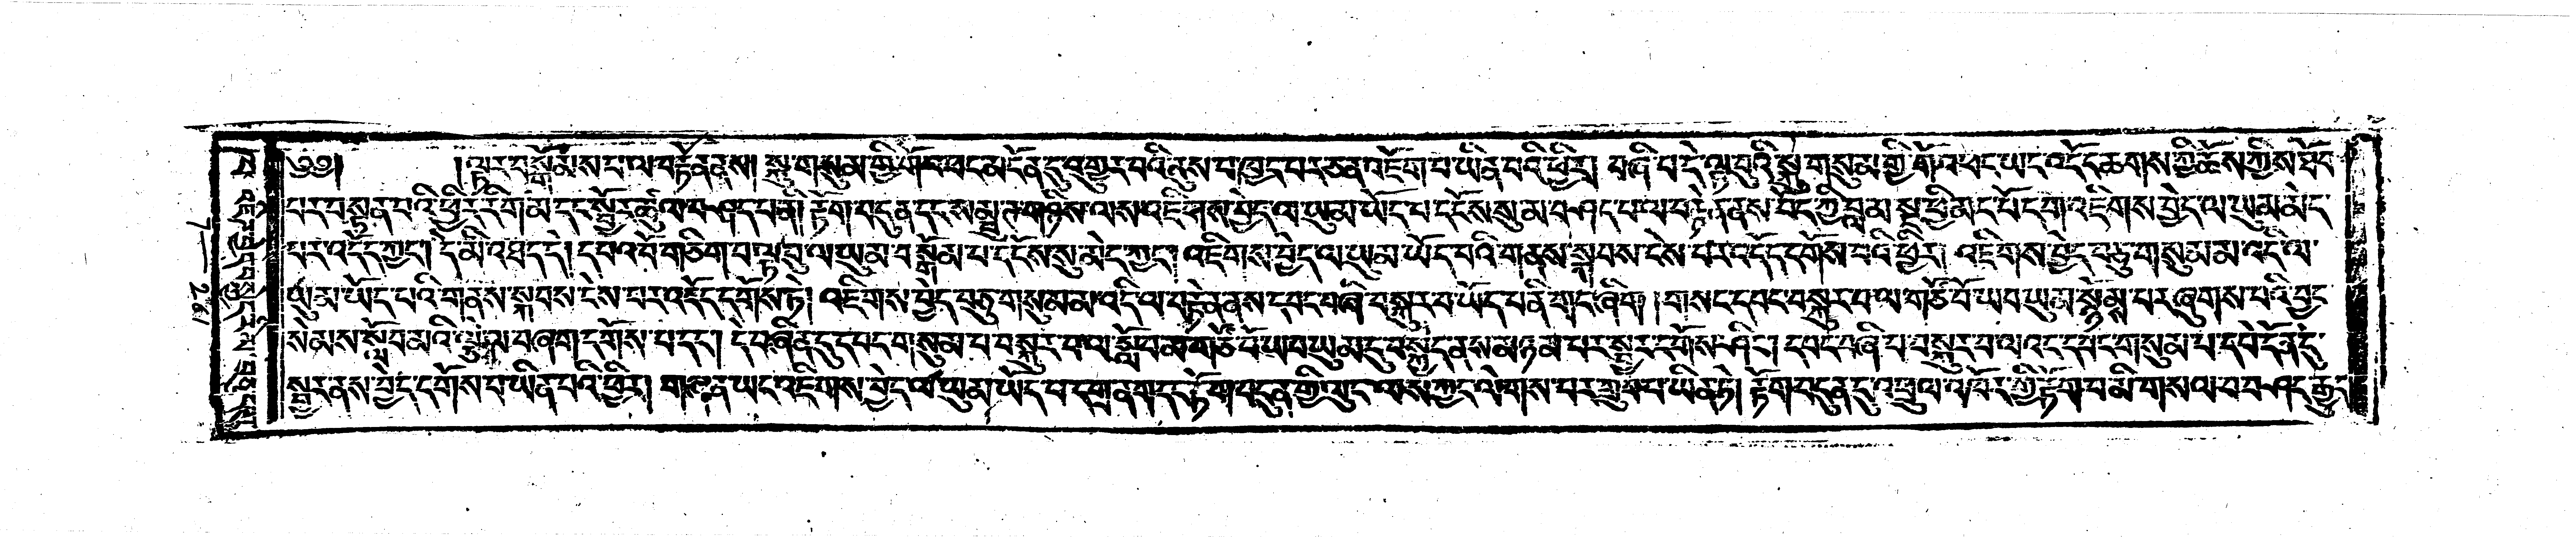༄༅། །ལྟར་བསྒོམས་པ་ལ་བརྟེན་ནས། སྐུ་གསུམ་གྱི་གོ་འཕང་མངོན་དུ་འགྱུར་བའི་ནུས་པ་ཁྱད་པར་ཅན་འཇོག་པ་ཡིན་པའི་ཕྱིར། བཞི་པ་དེ་ལྟ་བུའི་སྐུ་གསུམ་གྱི་གོ་འཕང་ཡང་འདོད་ཆགས་ཀྱི་ཆོས་ཀྱིས་ཐོབ་
པར་བསྟན་པའི་ཕྱིར་རིག་མ་དང་སྦྱོར་ཚུལ་བཤད་པ་ནི། རྟོག་བདུན་དང་སམྦུ་ཊ་གཉིས་ལས་འཇིགས་བྱེད་ལ་ཡུམ་ཡོད་པ་དངོས་སུ་མ་བཤད་པ་ལ་བརྟེན་ནས་བོད་ཀྱི་བླ་མ་སྔ་ཕྱི་མང་པོ་དག་འཇིགས་བྱེད་ལ་ཡུམ་མེད་
པར་འདོད་ཀྱང་། དེ་མི་འཐད་དེ། དཔའ་བོ་གཅིག་བ་ལྟ་བུ་ལ་ཡུམ་བསྒོམ་པ་དངོས་སུ་མེད་ཀྱང་། འཇིགས་བྱེད་ལ་ཡུམ་ཡོད་པའི་གནས་སྐབས་ངེས་པར་འདོད་དགོས་པའི་ཕྱིར། འཇིགས་བྱེད་བཅུ་གསུམ་མ་འདི་ལ་
ཡུམ་ཡོད་པའི་གནས་སྐབས་ངེས་པར་འདོད་དགོས་ཏེ། འཇིགས་བྱེད་བཅུ་གསུམ་མ་འདི་ལ་བརྟེན་ནས་དབང་བཞི་བསྐུར་བ་ཡོད་པ་ནི་གང་ཞིག །གསང་དབང་བསྐུར་བ་ལ་གཙོ་བོ་ཡབ་ཡུམ་སྙོམས་པར་ཞུགས་པའི་བྱང་
སེམས་སློབ་མའི་ལྕེ་ལ་བཞག་དགོས་པ་དང་། དེ་བཞིན་དུ་དབང་གསུམ་པ་བསྐུར་བ་ལ་སློབ་མ་གཙོ་བོ་ཡབ་ཡུམ་དུ་བསྐྱེད་ནས་མཉམ་པར་སྦྱར་དགོས་ཤིང་། དབང་བཞི་པ་བསྐུར་བ་ལའང་དབང་གསུམ་པ་དཔེ་དོན་དུ་
སྦྱར་ནས་བྱེད་དགོས་པ་ཡིན་པའི་ཕྱིར། གཞན་ཡང་འཇིགས་བྱེད་ལ་ཡུམ་ཡོད་པ་དགྲ་ནག་དང་རྟོག་བདུན་གྱི་ལུང་ལས་ཀྱང་ལེགས་པར་གྲུབ་པ་ཡིན་ཏེ། རྟོག་བདུན་དུ་འཕྲུལ་འཁོར་གྱི་རྟོག་པ་མི་གསལ་བ་བཤད་རྒྱུད་